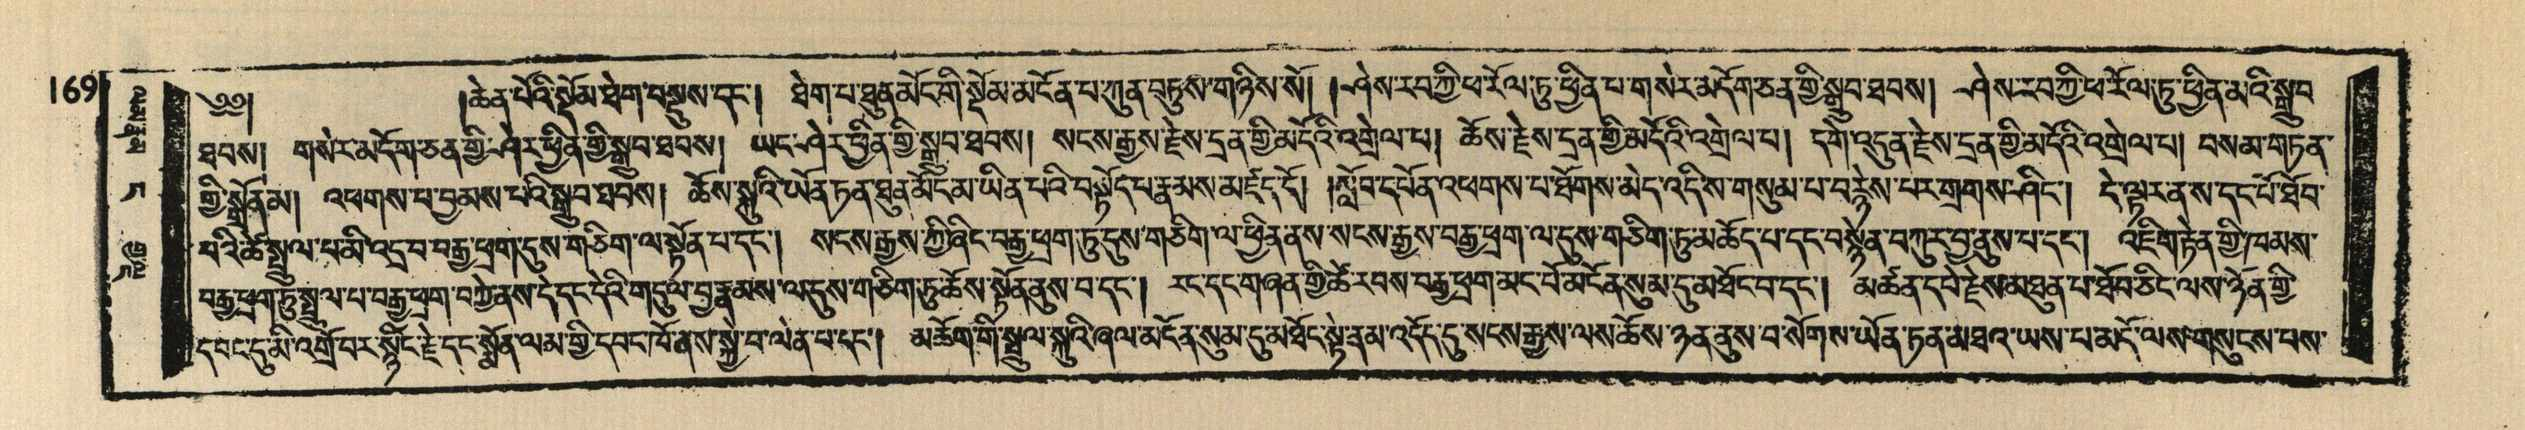༄༅། །ཆེན་པོའི་སྡོམ་ཐེག་བསྡུས་དང་། ཐེག་པ་ཐུན་མོང་གི་སྡོམ་མངོན་པ་ཀུན་བཏུས་གཉིས་སོ། །ཤེས་རབ་ཀྱི་ཕ་རོལ་ཏུ་ཕྱིན་པ་གསེར་མདོག་ཅན་གྱི་སྒྲུབ་ཐབས། ཤེས་རབ་ཀྱི་ཕ་རོལ་ཏུ་ཕྱིན་མའི་སྒྲུབ་
ཐབས། གསེར་མདོག་ཅན་གྱི་ཤེར་ཕྱིན་གྱི་སྒྲུབ་ཐབས། ཡང་ཤེར་ཕྱིན་གྱི་སྒྲུབ་ཐབས། སངས་རྒྱས་རྗེས་དྲན་གྱི་མདོའི་འགྲེལ་པ། ཆོས་རྗེས་དྲན་གྱི་མདོའི་འགྲེལ་པ། དགེ་འདུན་རྗེས་དྲན་གྱི་མདོའི་འགྲེལ་པ། བསམ་གཏན་
གྱི་སྒྲོན་མ། འཕགས་པ་བྱམས་པའི་སྒྲུབ་ཐབས། ཆོས་སྐུའི་ཡོན་ཏན་ཐུན་མོང་མ་ཡིན་པའི་བསྟོད་པ་རྣམས་མཛད་དོ། །སློབ་དཔོན་འཕགས་པ་ཐོགས་མེད་འདི་ས་གསུམ་པ་བརྙེས་པར་གྲགས་ཤིང་། དེ་ལྟར་ནས་དང་པོ་ཐོབ་
པའི་ཚེ་སྤྲུལ་པ་མི་འདྲ་བ་བརྒྱ་ཕྲག་དུས་གཅིག་ལ་སྟོན་པ་དང་། སངས་རྒྱས་ཀྱི་ཞིང་བརྒྱ་ཕྲག་ཏུ་དུས་གཅིག་ལ་ཕྱིན་ནས་སངས་རྒྱས་བརྒྱ་ཕྲག་ལ་དུས་གཅིག་ཏུ་མཆོད་པ་དང་བསྙེན་བཀུར་བྱ་ནུས་པ་དང་། འཇིག་རྟེན་གྱི་ཁམས་
བརྒྱ་ཕྲག་ཏུ་སྤྲུལ་པ་བརྒྱ་ཕྲག་བཀྱེ་ནས་དེ་དང་དེའི་གདུལ་བྱ་རྣམས་ལ་དུས་གཅིག་ཏུ་ཆོས་སྟོན་ནུས་བ་དང་། རང་དང་གཞན་གྱི་ཚེ་རབས་བརྒྱ་ཕྲག་མང་པོ་མངོན་སུམ་དུ་མཐོང་བ་དང་། མཚན་དཔེ་རྗེས་མཐུན་པ་ཐོབ་ཅིང་ལས་ཉོན་གྱི་
དབང་དུ་མི་འགྲོ་བར་སྙིང་རྗེ་དང་སྨོན་ལམ་གྱི་དབང་ཁོ་ནས་སྐྱེ་བ་ལེན་པ་དང་། མཆོག་གི་སྦྲུལ་སྐུའི་ཞལ་མངོན་སུམ་དུ་མཐོང་སྟེ་ནམ་འདོད་དུ་སངས་རྒྱས་ལས་ཆོས་ཉན་ནུས་བ་སོགས་ཡོན་ཏན་མཐའ་ཡས་པ་མདོ་ལས་གསུངས་པས་